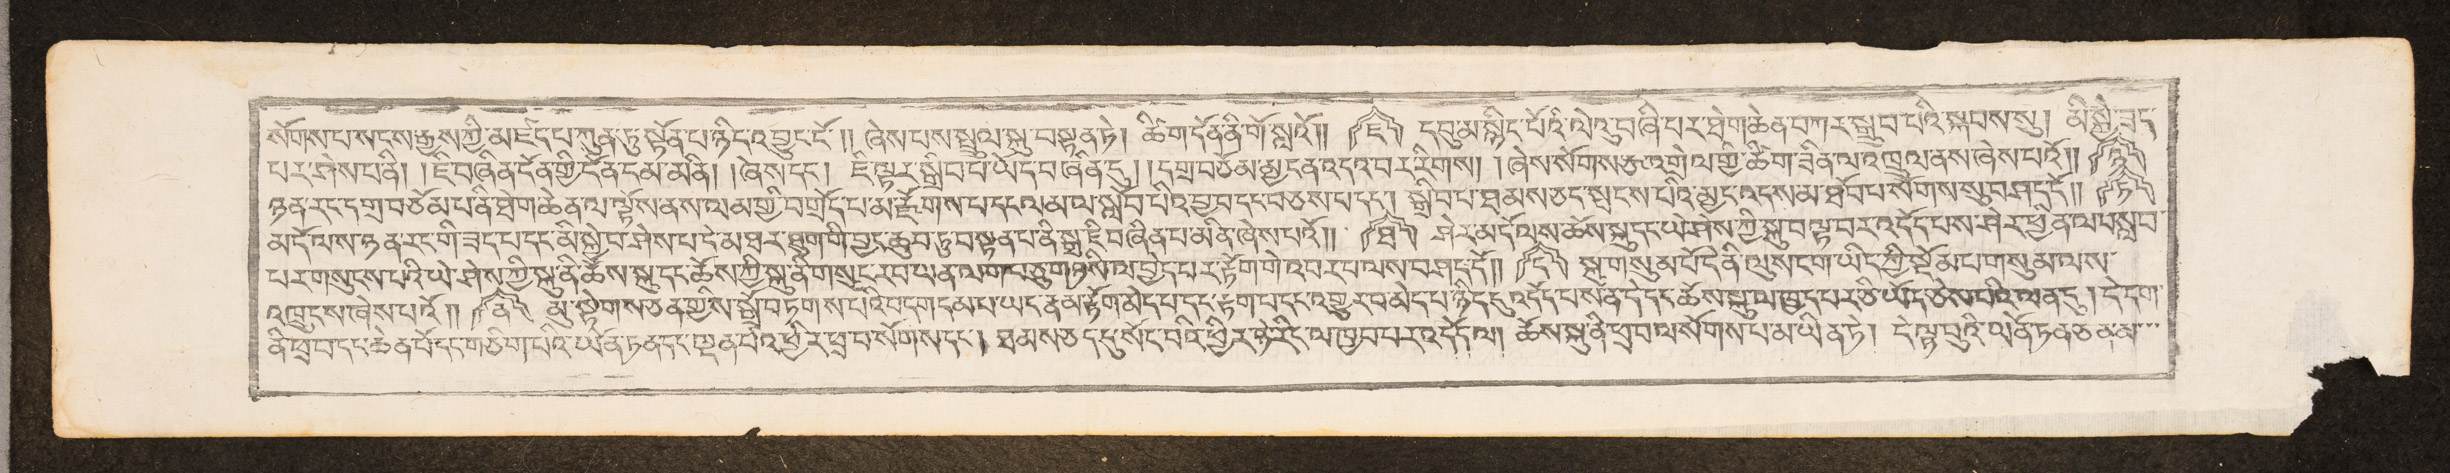སོགས་པ་སངས་རྒྱས་ཀྱི་མཛད་པ་ཀུན་ཏུ་སྟོན་པ་ཉིད་འབྱུང་ངོ།། ཞེས་པས་སྤྲུལ་སྐུ་བསྟན་ཏེ། ཚིག་དོན་ནི་གོ་སླའོ།། ༼༽ཇ༼༽ དབུ་མ་སྙིང་པོའི་ལེའུ་བཞི་བར་ཐེག་ཆེན་བཀར་སྒྲུབ་པའི་སྐབས་སུ། མི་སྐྱེ་ཟད་
པར་ཤེས་པ་ནི། །ཇི་བཞིན་དོན་གྱི་དོན་དམ་མིན། །ཞེས་དང་། ཇི་ལྟར་སྒྲིབ་པ་ཡོད་བཞིན་དུ། །དགྲ་བཅོམ་མྱ་ངན་འདའ་བར་རིགས། །ཞེས་སོགས་རྩ་འགྲེལ་གྱི་ཚིག་ཟིན་ལ་འཁྲུལ་ནས་ཞེས་པའོ།། ༼༽ཉ༼༽
ཉན་རང་དགྲ་བཅོམ་པ་ནི་ཐེག་ཆེན་ལ་ལྟོས་ནས་ལམ་གྱི་བགྲོད་པ་མ་རྫོགས་པ་དང་ལམ་ལ་སློབ་པའི་བྱ་བ་དང་བཅས་པ་དང་། སྒྲིབ་པ་ཐམས་ཅད་སྤངས་པའི་མྱང་འདས་མ་ཐོབ་པ་སོགས་སུ་བཤད་དོ།། ༼༽ཏ༼༽
མདོ་ལས་ཉན་རང་གི་ཟད་པ་དང་མི་སྐྱེ་བ་ཤེས་པ་དེ་མཐར་ཐུག་གི་བྱང་ཆུབ་ཏུ་བསྟན་པ་ནི་སྒྲ་ཇི་བཞིན་ཨ་མིན་ཞེས་པའོ།། ༼༽ཐ༼༽ ཤེར་མདོ་ལས་ཆོས་སྐུ་དང་ཡེ་ཤེས་ཀྱི་སྐུ་བལྟ་བར་འདོད་པས་ཤེར་ཕྱིན་ལ་བསླབ་
པར་གསུངས་པའི་ཡེ་ཤེས་ཀྱི་སྐུ་ནི་ཆོས་སྐུ་དང་ཆོས་ཀྱི་སྐུ་ནི་གསུང་རབ་ཡན་ལག་བཅུ་གཉིས་ལ་བྱེད་པར་རྟོག་གེ་འབར་བ་ལས་བཤད་དོ།། ༼༽ད༼༽ སྐུ་གསུམ་པོ་དེ་ནི་ལུས་ངག་ཡིད་ཀྱི་སྔོ་མ་པ་གསུམ་ལས་
འཁྲུངས་ཞེས་པའོ།། ༼༽ན༼༽ མུ་སྟེགས་ཅན་གྱིས་སྒྲོ་བཏགས་པའི་དག་དམ་པ་ཡང་རྣམ་རྟོག་མེད་པ་དང་རྟག་པ་དང་འགྱུར་བ་མེད་པ་ཉིད་དུ་འདོད་པས་ན་དེ་དང་ཆོས་སྐུ་ལ་ཁྱད་པར་ཅི་ཡོད་ཅེས་པའི་ལན་དུ། དེ་དག་
ནི་ཕྲ་བ་དང་ཆེན་པོ་དང་གཅིག་པའི་ཡོན་ཏན་དང་ལྡན་པའི་འཕྱིར་ཕྲ་བ་སོགས་དང་། ཐམས་ཅད་དུ་སོང་བའི་ཕྱིར་ཉེ་རིང་ལ་ཁྱབ་པར་འདོད་ལ། ཆོས་སྐུ་ནི་ཕྲ་བ་ལ་སོགས་པ་མ་ཡིན་ཏེ། དེ་ལྟ་བུའི་ཡོན་ཏན་ཅན་མ་